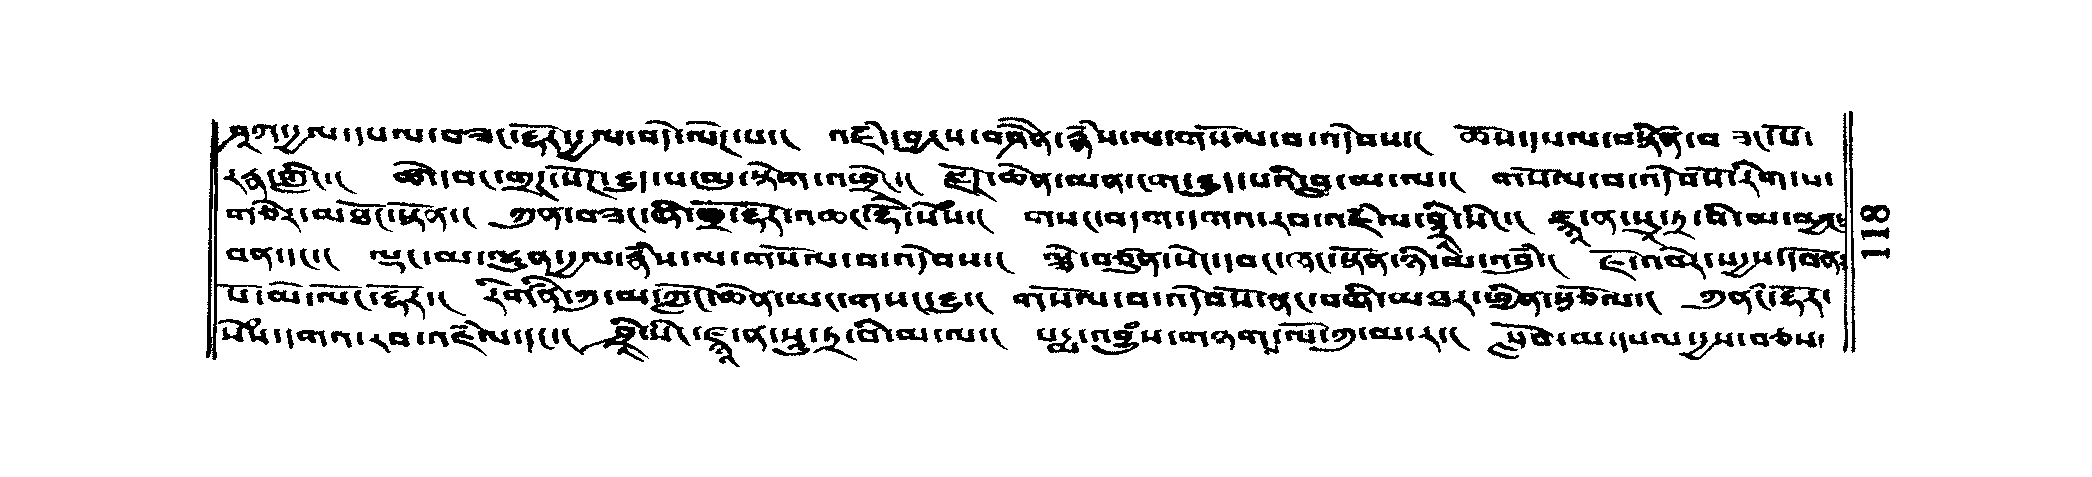།ཤཱཀ་རྒྱལ་དཔལ་བཟང་རྡོར་རྒྱལ་བདེ་ལེགས་པ། །འཇམ་དབྱངས་བཤེས་གཉེན་རྣམས་ལ་གསོལ་བ་འདེབས། །ཆོས་དཔལ་བསྟན་འཛིན་བཟང་པོ་
རཏྣ་གླིང་། །ཚེ་དབང་གྲགས་སོགས་རྒྱུད་པ་མུ་སྟིག་འཕྲེང་། །རྫོགས་ཆེན་མན་ངག་རྒྱུད་པའི་བླ་མ་ལ། །གསོལ་བ་འདེབས་སོ་རིག་པ་
གཅེར་མཐོང་སྟོན། །ཀུན་བཟང་ཞི་ཁྲི་རྡོར་འཆང་རྡོ་རྗེ་སེམས། །གསང་བདག་དགའ་རབ་འཇམ་དཔལ་ཤྲཱི་སིང་། །ཛྙཱ་ན་སཱུ་ཏྲ་བི་མ་མྱང་
བན་དང་། །ལྡང་མ་ལྷུན་རྒྱལ་རྣམས་ལ་གསོལ་བ་འདེབས། །ལྕེ་བཙུན་སེང་དབང་ཞང་སྟོན་ཉི་མ་འབུམ། །ཇོ་འབེར་སངས་རྒྱས་དབོན་
པོ་མེ་ལོང་རྡོར། །རིག་འཛིན་ཀུ་མར་ཀློང་ཆེན་ཡང་གསང་རྒྱུད། །གསོལ་བ་འདེབས་སོ་སྣང་བཞི་མཐར་ཕྱིན་སྩོལ། །ཀུན་བཟང་རྡོར་
སེམས་དགའ་རབ་འཇམ་དཔལ་དང་། །ཤྲཱི་སིང་ཛྙཱ་ན་སཱུ་ཏྲ་བི་མ་ལ། །པདྨ་འབྱུང་གནས་གཉགས་ལོ་ཀུ་མ་ར། །སློབ་མ་དཔལ་རྒྱལ་བཅས་